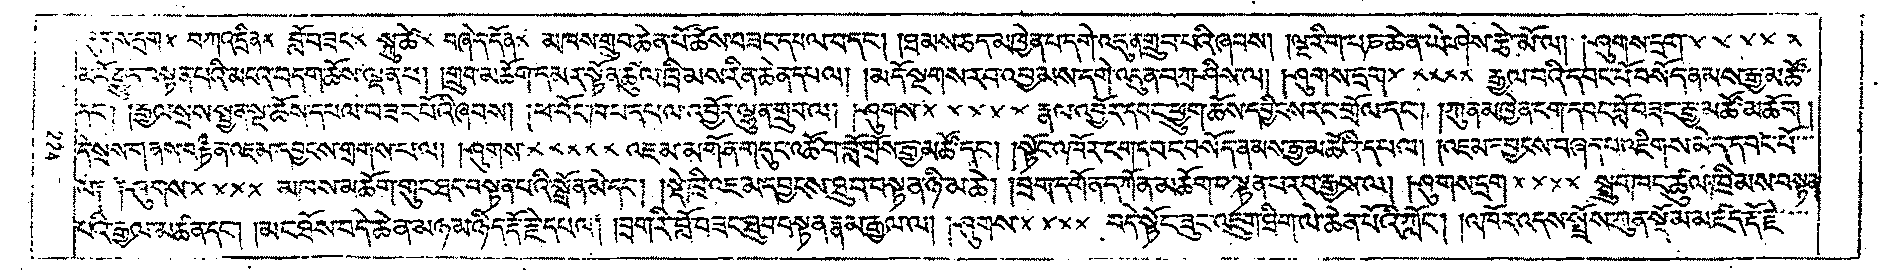ཤུགས་དྲག་྾་བཀའ་དྲིན་྾་བློ་བཟང་྾་སྐུ་ཚེ་྾་བཞེད་དོན་྾་མཁས་གྲུབ་ཆེན་པོ་ཆོས་བཟང་དཔལ་བ་དང་། །ཐམས་ཅད་མཁྱེན་པ་དགེ་འདུན་གྲུབ་པའི་ཞབས། །ལྔ་རིག་པཎ་ཆེན་ཡེ་ཤེས་རྩེ་མོ་ལ། །ཤུགས་དྲག་྾་྾་྾་྾་྾་
མདོ་རྒྱུད་བསྟན་པའི་མངའ་བདག་ཆོས་ལྡན་པ། །གྲུབ་མཆོག་དམར་སྟོན་ཚུལ་ཁྲིམས་རིན་ཆེན་དཔལ། །མདོ་སྔགས་རབ་འབྱམས་དགེ་འདུན་བཀྲ་ཤིས་ལ། །ཤུགས་དྲག་྾་྾་྾་྾་྾་རྒྱལ་བའི་དབང་པོ་བསོད་ནམས་རྒྱ་མཚོ་
དང་། །རྒྱལ་སྲས་སྤྱན་སྔ་ཆོས་དཔལ་བཟང་པོའི་ཞབས། །ཕ་བོང་ཁ་པ་དཔལ་འབྱོར་ལྷུན་གྲུབ་ལ། །ཤུགས་྾་྾་྾་྾་྾་རྣལ་འབྱོར་དབང་ཕྱུག་ཆོས་དབྱིངས་རང་གྲོལ་དང་། །ཀུན་མཁྱེན་ངག་དབང་བློ་བཟང་རྒྱ་མཚོ་མཆོག །
དེ་སྲས་གནས་བརྟེན་འཇམ་དབྱངས་གྲགས་པ་ལ། །ཤུགས་྾་྾་྾་྾་྾་འཇམ་མགོན་གདུང་འཚོ་བ་བློ་གྲོས་རྒྱ་མཚོ་དང་། །སྟོང་འཁོར་ངག་དབང་བསོད་ནམས་རྒྱ་མཚོའི་དཔལ། །འཇམ་དབྱངས་བཞད་པ་འཇིགས་མེད་དབང་པོ་
ལ། །ཤུགས་྾་྾་྾་྾་མཁས་མཆོག་གུང་ཐང་བསྟན་པའི་སྒྲོན་མེ་དང་། །སྡེ་ཁྲི་འཇམ་དབྱངས་ཐུབ་བསྟན་ཉི་མ་ཆེ། །བྲག་དགོན་དཀོན་མཆོག་བསྟན་པ་རབ་རྒྱས་ལ། །ཤུགས་དྲག་྾་྾་྾་྾་སྒྲུབ་ཁང་ཚུལ་ཁྲིམས་བསྟན་
པའི་རྒྱལ་མཚན་དང་། །མང་ཐོས་བདེ་ཆེན་མཉམ་ཉིད་རྡོ་རྗེ་དཔལ། །བྲག་རི་བློ་བཟང་ཐུབ་བསྟན་རྣམ་རྒྱལ་ལ། །ཤུགས་྾་྾་྾་྾་བདེ་སྟོང་ཟུང་འཇུག་ཐིག་ལེ་ཆེན་པོའི་ཀློང་། །འཁོར་འདས་སྤྲོས་ཀུན་སྡོམ་མཛད་རྡོ་རྗེ་